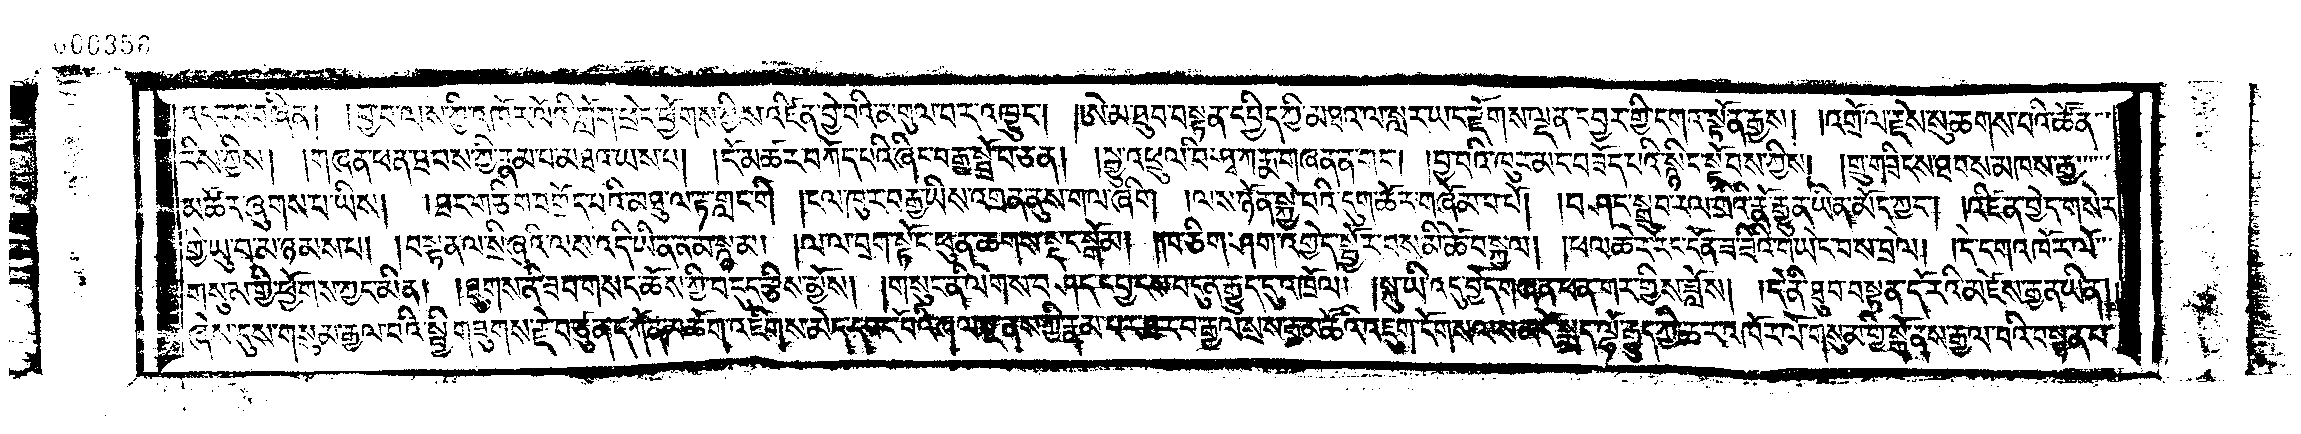འདར་བ་བཞིན། །བྱ་བ་ལས་ཀྱི་འཁོར་ལོའི་གློག་ཕྲེང་ཕྱོགས་ཀྱི་ས་འཛིན་བྱེ་བའི་མགུལ་བར་འཁྱུད། །ཨེ་མ་ཐུབ་བསྟན་དཔྱིད་ཀྱི་མཐའ་ལ་སླར་ཡང་རྫོགས་ལྡན་དབྱར་གྱི་དགའ་སྟོན་རྒྱས། །འགྲོ་ལ་རྗེས་སུ་ཆགས་པའི་ཚོན་
རིས་ཀྱིས། །གཞན་ཕན་ཐབས་ཀྱི་རྣམ་པ་མཐའ་ཡས་པ། །ངོ་མཚར་བཀོད་པའི་ཞིང་བརྒྱ་སྤྲོ་བ་ཅན། །སྒྱུ་འཕྲུལ་བི་ཤྭ་ཀརྨ་གཞན་ན་གང་། །བྱ་བའི་ཁུར་མང་བཟོད་པའི་སྙིང་སྟོབས་ཀྱིས། །གྲུ་གཟིངས་ཐབས་མཁས་རྒྱ་
མཚོར་ཞུགས་པ་ཡིས། །ཐང་གཅིག་བགྲོད་པའི་མཐུ་ལ་རྟ་གླང་གི །ངལ་ཁུར་བརྒྱ་ཡིས་འགྲན་ནུས་ག་ལ་ཞིག །ལས་ཉོན་སྐྱེ་བའི་དུག་ཚེར་གཞོམ་པ་པོ། །བཤད་སྒྲུབ་རལ་གྲིའི་རྣོ་རྒྱུན་ཡིན་མོད་ཀྱང་། །འཛིན་བྱེད་གསེར་
གྱི་ཡུ་བ་མ་ཉམས་པ། །བསྟན་ལ་སྲི་ཞུའི་ལས་འདི་ཡིན་ནམ་སྙམ། །ལ་ལ་བྲག་སྟོན་ཕུན་ཚགས་སྡང་སྒོམ། །ཁ་ཅིག་ཤག་འགྱེད་སྦྱོར་བས་མི་ཚེ་བསྐྱལ། །ཕལ་ཆེར་རང་དོན་ཟ་ཟིའི་གཡེང་བས་བྲེལ། །དེ་དག་འཁོར་ལོ་
གསུམ་གྱི་ཕྱོགས་ཀྱང་མིན། །ཐུགས་ནི་ཟབ་གསང་ཆོས་ཀྱི་བདུད་རྩིས་མྱོས། །གསུང་ནི་ལེགས་བཤད་དབྱངས་བདུན་རྒྱུད་དུ་འཁྲོལ། །སྐུ་ཡི་འདུ་བྱེད་གཞན་ཕན་གང་གྱིས་ཟློས། །དེ་ནི་ཐུབ་བསྟན་དོ་རའི་མཛེས་རྒྱན་ཡིན། །
ཞེས་དུས་གསུམ་རྒྱལ་བའི་སྤྱི་གཟུགས་རྗེ་བཙུན་དཀོན་མཆོག་འཇིགས་མེད་དབང་པོའི་ཞལ་སྔ་ནས་ཀྱི་རྣམ་པར་ཐར་བ་རྒྱལ་སྲས་རྒྱ་མཚོའི་འཇུག་ངོགས་ལས་མདོ་སྨད་ལྷོ་རྒྱུད་ཀྱི་ཆར་འཁོར་ལོ་གསུམ་གྱི་སྒོ་ནས་རྒྱལ་བའི་བསྟན་པ་